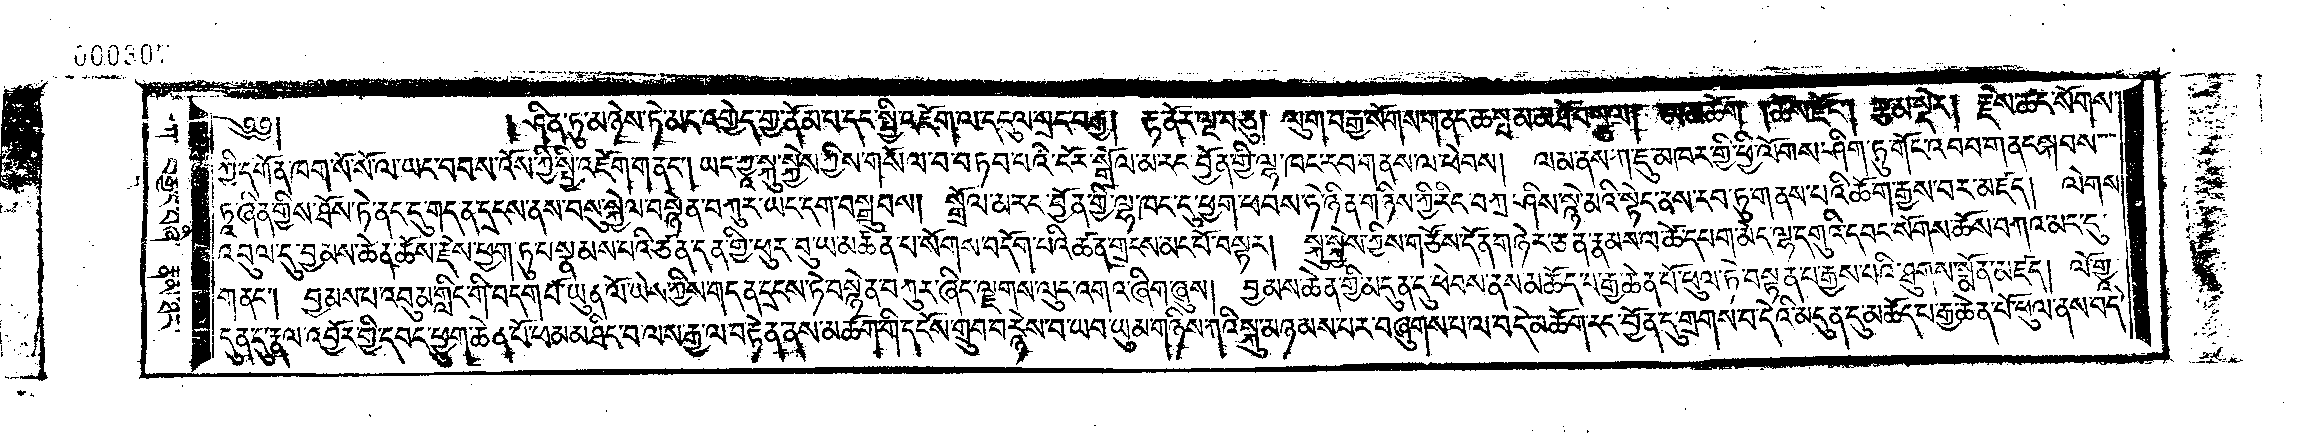༄༅། །ཤིན་ཏུ་མཉེས་ཏེ་མང་འགྱེད་གྱ་ནོམ་པ་དང་སྤྱི་འཇོག་ལ་དངུལ་སྲང་བརྒྱ། རྟ་ནོར་ལྔ་བཅུ། ལུགས་བརྒྱ་སོགས་གནང་ཆ་སྤམ་མཐོ་བ་སྩལ། ཨ་མཆོག །ཆོས་རྫོང་། རྩམ་སྔེར། རྗེས་ཚང་སོགས་
ཀྱི་དགོན་ཁག་སོ་སོ་ལ་ཡང་བབས་འོས་ཀྱི་སྤྱི་འཇོག་གནང་། ཡང་ཀྱཱ་སྐུ་སྐྱེས་ཀྱིས་གསོལ་བ་བཏབ་པའི་ངོར་སྒྲོལ་མ་རང་བྱོན་གྱི་ལྷ་ཁང་རབ་གནས་ལ་ཕེབས། ལམ་ནས་ཀ་ཇུ་མཁར་གྱི་ཕྱི་ལོགས་ཤིག་ཏུ་གོང་འབབ་གནང་སྐབས་
ཏཱ་ཞིན་གྱིས་ཐོས་ཏེ་ནང་དུ་གདན་དྲངས་ནས་བསུ་སྐྱེལ་བསྙེན་བཀུར་ཡང་དག་བསྒྲུབས། སྒྲོལ་མ་རང་བྱོན་གྱི་ལྷ་ཁང་དུ་ཕྱག་ཕབས་ཏེ་ཉིན་གཉིས་ཀྱི་རིང་བཀྲ་ཤིས་སྙེ་མའི་སྟེང་ནས་རབ་ཏུ་གནས་པའི་ཆོ་ག་རྒྱས་བར་མཛད། ལེགས་
འབུལ་དུ་བྱམས་ཆེན་ཆོས་རྗེས་ཕྱག་ཏུ་བསྣམས་པའི་ཙན་དང་གྱི་ཕུར་བུ་ཡ་མཚན་པ་སོགས་བདོག་པའི་ཚན་གྲངས་མང་པོ་བསྟར། སྐུ་སྐྱེས་ཀྱིས་གཙོས་དོན་གཉེར་ཅན་རྣམས་ལ་ཚེ་དཔག་མེད་ལྷ་དགུའི་དབང་སོགས་ཆོས་བཀའ་མང་དུ་
གནང་། བྱམས་པ་འབུམ་གླིང་གི་བདག་པོ་ཡུན་ལོ་ཡེས་ཀྱིས་གདན་དྲངས་ཏེ་བསྙེན་བཀུར་ཞིང་ལྗགས་ལུང་འགའ་ཞིག་ཞུས། བྱམས་ཆེན་གྱི་མདུན་དུ་ཕེབས་ནས་མཆོད་པ་རྒྱ་ཆེན་པོ་ཕུལ་ཏེ་བསྟན་པ་རྒྱས་པའི་ཐུགས་སྨོན་མཛད། ལོ་གྱཱ་
དུན་དུ་རྣལ་འབྱོར་གྱི་དབང་ཕྱུག་ཆེན་པོ་ཕམ་མཐིང་པ་ལས་རྒྱ་ལ་བརྟེན་ནས་མཆོག་གི་དངོས་གྲུབ་བརྙེས་པ་ཡབ་ཡུམ་གཉིས་ཀའི་སྐུ་མཉམས་པར་བཞུགས་པ་ལ་བདེ་མཆོག་རང་བྱོན་དུ་གྲགས་པ་དེའི་མདུན་དུ་མཆོག་པ་རྒྱ་ཆེན་པོ་ཕུལ་ནས་བདེ་